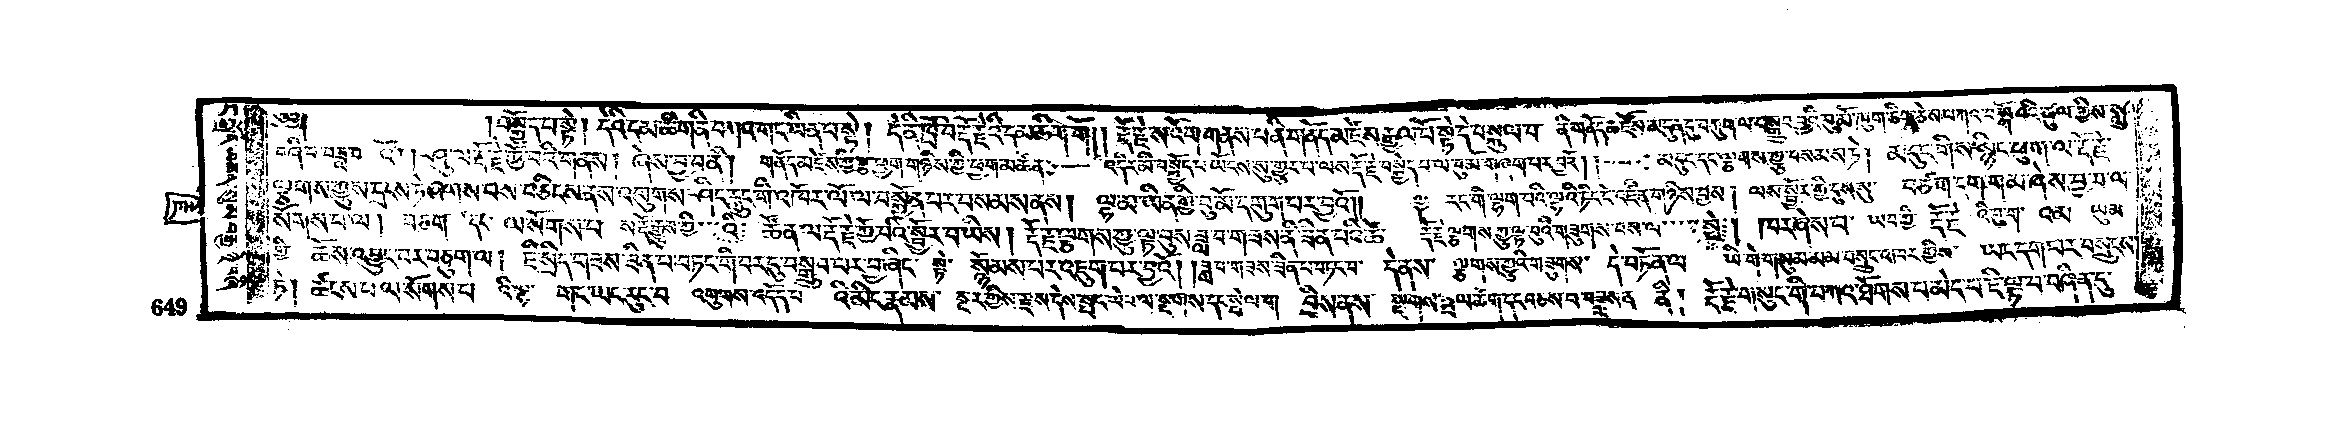༄༅། །བསྐྱོད་པ་སྟེ། དེའི་དམ་ཚིག་ནི་བཀའ་གང་ཡིན་པ་སྟེ། དེ་ནི་ཁྲོ་བོ་རྡོ་རྗེའི་དམ་ཚིག་གོ ། །རྡོ་རྗེ་ས་འོག་གནས་པ་ནི་གནོད་མཛེས་རྒྱལ་པོ་སྟེ་དེ་བསྐུལ་བ་ནི་གནོད་མཛེས་མདུན་དུ་བཀུག་ལ་བསྒྲུབ་བྱའི་བུ་མོ་ཁུག་ཅིག་ཅེས་བཀའ་བསྒོ་བའི་ཚུལ་གྱིས་ཧཱུཾ་
བཞི་པ་བཟླས་འོ། །ཤུ་ལ་རྡོ་རྗེ་ཀྱོ་བའི་གནས། ཞེས་བྱ་བ་ནི། གནོད་མཛེས་ཀྱི་རྩ་ཕྱག་གཉིས་ཀྱི་ཕྱག་མཚན་H.་འདིར་མི་བསྐྱོད་པ་ཡོངས་སུ་གྱུར་པ་ལས་རྡོ་རྗེ་བསྐྱེད་པ་ལ་བུ་མོ་གཞག་པར་བྱའོ། ། .H མདུང་དང་ལྕགས་ཀྱུ་བསམས་ཏེ།  མདུང་གིས་སྙིང་ཕུག་ལ་རྡོ་རྗེ་
ལྕགས་ཀྱུས་དྲངས་ཏེ་ཞགས་པས་བཅིངས་ནས་འགུགས་ཤིང་རླུང་གི་འཁོར་ལོ་ལ་བསྐྱོན་པར་བསམས་ནས། ལྷ་མ་ཡིན་གྱི་བུ་མོ་དགུག་པར་བྱའོ།། ༈ རང་གི་ལྷག་པའི་ལྷའི་ཏིང་ངེ་འཛིན་གཉིས་བྱས། ལས་སྦྱོར་གྱི་དུས་སུ་བཙག་དག་གམ་ཞེས་བྱ་བ་ལ་
སོགས་པ་ལ། བཅག་དང་ལ་སོགས་པ་ས་རྡོ་རྒྱུས་ཀྱི་འོ་ཚོན་ལ་རྡོ་རྗེ་ཀྱོ་བའི་སྦྱོར་བ་ཡིས། རྡོ་རྗེ་ལྕགས་ཀྱུ་ལྟ་བུས་ཟླ་བ་གཟས་ཟིན་ནི་ཟིན་པའི་ཚེ་རྡོ་རྗེ་ལྕགས་ཀྱུ་ལྟ་བུའི་གཟུགས་བྱས་ལ་སྟེ།  ཁར་ཞེས་པ་ཡབ་ཀྱི་རྡོ་རྗེའི་བུ་ག་འམ་ཡུམ་
གྱི་ཆོས་འབྱུང་བར་བཙུག་ལ། ཇི་སྲིད་གཟས་ཟིན་པ་བཏང་གི་བར་དུ་བསྒྲུབ་པར་བྱ་ཞིང་སྟེ། སྙོམས་པར་འཇུག་པར་བྱའོ། །ཟླ་བ་གཟས་ཟིན་པ་བཏང་བ་དེ་ནས་ལྕགས་ཀྱུའི་གཟུགས་དེ་བཏོན་ལ་ཡི་གེ་གསུམ་མམ་བསྲུང་འཁོར་གྱིས་ཡང་དག་པར་བསྲུངས་
ཏེ། ཚངས་པ་ལ་སོགས་པའི་ལྷ་གང་ཡང་རུང་བ་འགུགས་འདོད་པའི་མིང་རྣམས་སྔར་གྱིས་རྫས་དེས་སྤང་ལེབ་ལ་སྔགས་དང་སྤེལ་བ་བྲིས་ནས་སྔགས་སྤལ་ཚིག་དང་བཅས་ལ་བརྙས་ན་ནི།  རྡོ་རྗེ་གསུང་གི་བཀའ་ཐོགས་པ་མེད་པ་ཇི་ལྟ་བ་བཞིན་དུ་